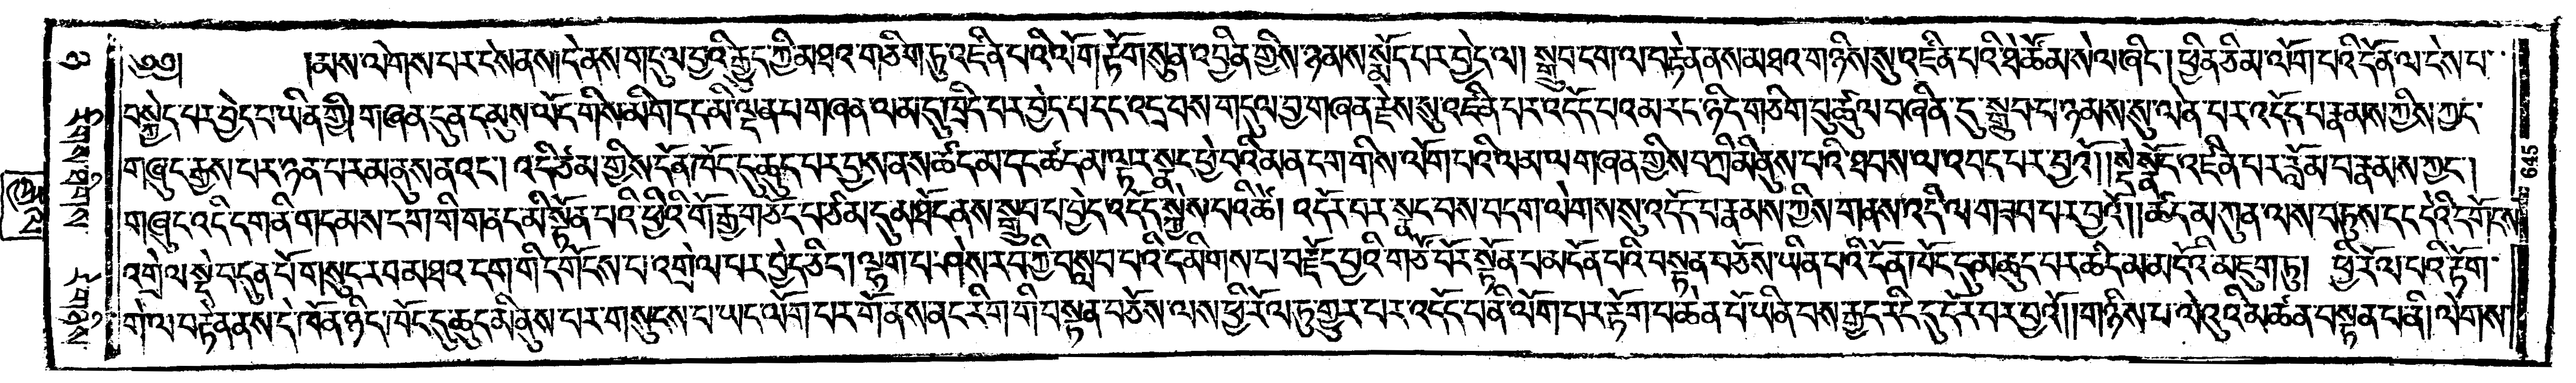༄༅། །མས་ལེགས་པར་ངེས་ནས། དེ་ནས་གདུལ་བྱའི་རྒྱུད་ཀྱི་མཐའ་གཅིག་ཏུ་འཛིན་པའི་ལོག་རྟོགས་སུན་འབྱིན་གྱིས་ཉམས་སྨོད་པར་བྱེད་ལ། སྒྲུབ་ངག་ལ་བརྟེན་ནས་མཐའ་གཉིས་སུ་འཛིན་པའི་ཐེ་ཚོམ་སེལ་ཞིང་། ཕྱིན་ཅི་མ་ལོག་པའི་དོན་ལ་ངེས་པ་
བསྐྱེད་པར་བྱེད་པ་ཡིན་གྱི། གཞན་དུ་ན་དམུས་ལོང་གིས་མིག་དང་མི་ལྡན་པ་གཞན་ལམ་དུ་ཁྲིད་པར་བྱེད་པ་དང་འདྲ་བས་གདུལ་བྱ་གཞན་རྗེས་སུ་འཛིན་པར་འདོད་པའམ་རང་ཉིད་གཅིག་པུ་ཚུལ་བཞིན་དུ་སྒྲུབ་པ་ཉམས་སུ་ལེན་པར་འདོད་པ་རྣམས་ཀྱིས་ཀྱང་
གཞུང་རྒྱས་པར་ཉན་པར་མ་ནུས་ནའང་། འདི་ཙམ་གྱིས་དོན་ཁོང་དུ་ཆུད་པར་བྱས་ནས་ཚད་མ་དང་ཚད་མ་ལྟར་སྣང་ཕྱེ་བའི་མན་ངག་གིས་ལོག་པའི་ལམ་ལ་གཞན་གྱིས་བཀྲི་མི་ནུས་པའི་ཐབས་ལ་འབད་པར་བྱའོ། །སྡེ་སྣོད་འཛིན་པར་རློམ་པ་རྣམས་ཀྱང་།
གཞུང་འདི་དག་ནི་གདམས་ངག་གི་གནད་མི་སྟོན་པའི་ཕྱིའི་གོ་རྒྱ་གཅོད་པ་ཙམ་དུ་མཐོང་ནས་སྒྲུབ་པ་བྱེད་འདོད་སྐྱེས་པའི་ཚེ། འདོར་བར་སྣང་བས་བདག་ལེགས་སུ་འདོད་པ་རྣམས་ཀྱིས་གནས་འདི་ལ་གཟབ་པར་བྱའོ། །ཚད་མ་ཀུན་ལས་བཏུས་དང་དེའི་དགོངས་
འགྲེལ་སྡེ་བདུན་པོ་གསུང་རབ་མཐའ་དག་གི་དགོངས་པ་འགྲེལ་པར་བྱེད་ཅིང་། ལྷག་པ་ཤེས་རབ་ཀྱི་བསླབ་པའི་དམིགས་པ་བརྗོད་བྱའི་གཙོ་བོར་སྟོན་པ་མངོན་པའི་བསྟན་བཅོས་ཡིན་པའི་དོན་ཁོང་དུ་མ་ཆུད་པར་ཚད་མ་མདོའི་མཇུག་ཏུ། ཕྱི་རོལ་པའི་རྟོག་
གེ་ལ་བརྟེན་ནས་དེ་ཁོ་ན་ཉིད་ཁོང་དུ་ཆུད་མི་ནུས་པར་གསུངས་པ་ཡང་ལོག་པར་གོ་ནས་ནང་རིག་གི་བསྟན་བཅོས་ལས་ཕྱི་རོལ་ཏུ་གྱུར་པར་འདོད་པ་ནི་ལོག་པར་རྟོག་པ་ཆེན་པོ་ཡིན་པས་རྒྱད་རིང་དུ་དོར་བར་བྱའོ། །གཉིས་པ་ལེའུའི་མཚན་བསྟན་པ་ནི། ལེགས་